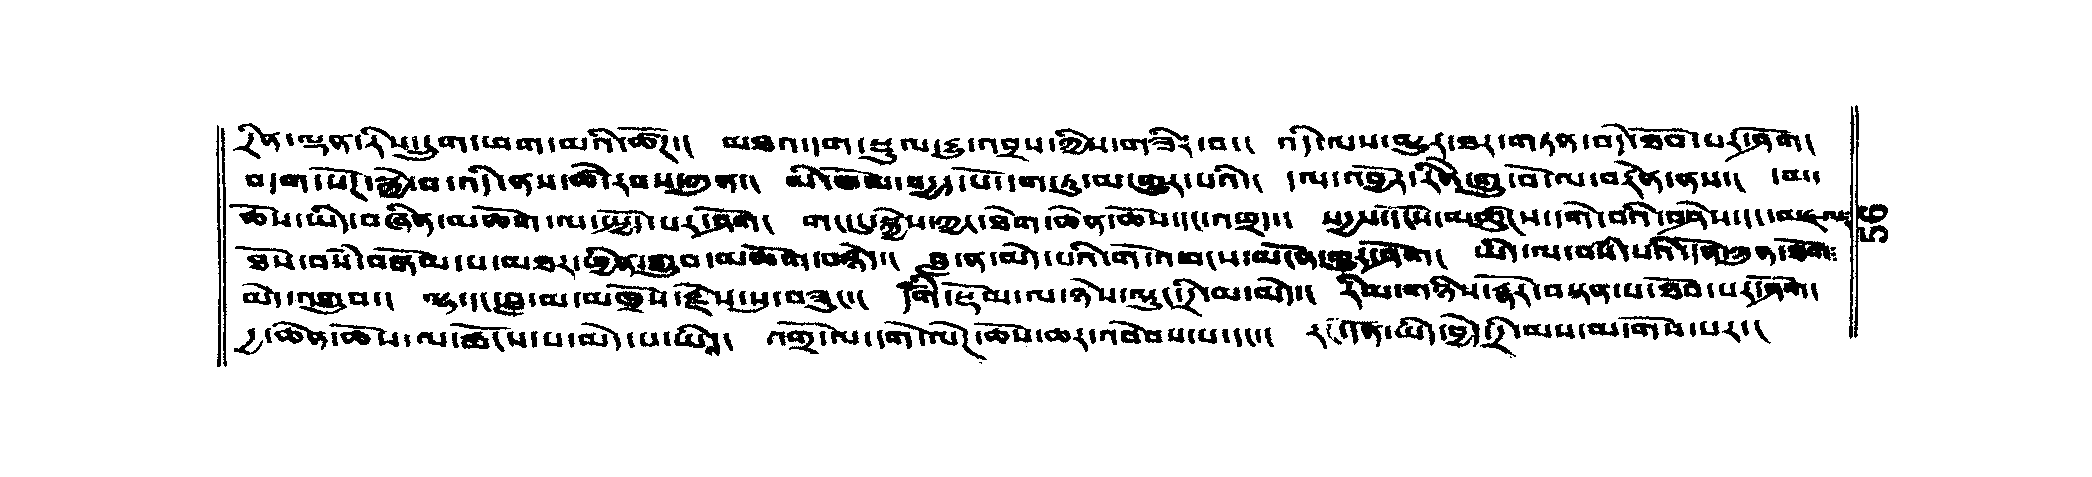དྲིན་ལྡན་རིགས་དྲུག་ཕ་མའི་ཚོགས། །མཐའ་དག་སྡུག་བསྔལ་རྒྱུ་འབྲས་ཀྱིས་གཟིར་བ། །འདི་ལས་མྱུར་ཐར་གཏན་བདེ་ཐོབ་པར་ཤོག །
བདག་སོགས་སྐྱེ་བ་འདི་ནས་ཚེ་རབས་ཀུན། །མི་ཁོམ་བརྒྱད་པོ་དག་ཏུ་མ་གྱུར་པའི། །དལ་འབྱོར་རིན་ཆེན་གྲུ་བོ་ལ་བརྟེན་ནས། །དམ་
ཆོས་ཡིད་བཞིན་མཆོག་ལ་སྤྱོད་པར་ཤོག །གང་དུ་སྐྱེས་ཀྱང་ཐེག་ཆེན་ཆོས་དང་འཕྲད། །སངས་རྒྱས་དངོས་མཚུངས་དགེ་བའི་བཤེས་དང་མཇལ། །
ཐོས་བསམ་བསྒོམ་པ་མཐར་ཕྱིན་གྲུབ་མཆོག་བརྙེད། །བླ་ན་མེད་པའི་གོ་འཕང་མངོན་གྱུར་ཤོག །ཡིད་ལ་བསམ་པའི་དོན་ཀུན་ཐོགས་
མེད་འགྲུབ། །ལྷ་དང་བླ་མ་མཁའ་འགྲོ་རྗེས་སུ་བཟུང་། །དམ་ཚིག་སྡོམ་ལ་ཉེས་ལྟུང་དྲི་མ་མེད། །རིམ་གཉིས་རྣལ་འབྱོར་བསྟན་པ་ཐོབ་པར་ཤོག།
རྒྱ་ཆེན་ཆོས་ལ་རྨོངས་པ་མེད་པ་ཡིས། །འགྲོ་ལ་དགེ་ལེགས་ཆོས་ཆར་འབེབས་པ་དང་། །རང་དོན་ཡིད་བྱེད་དྲི་མས་མ་གོས་པར།